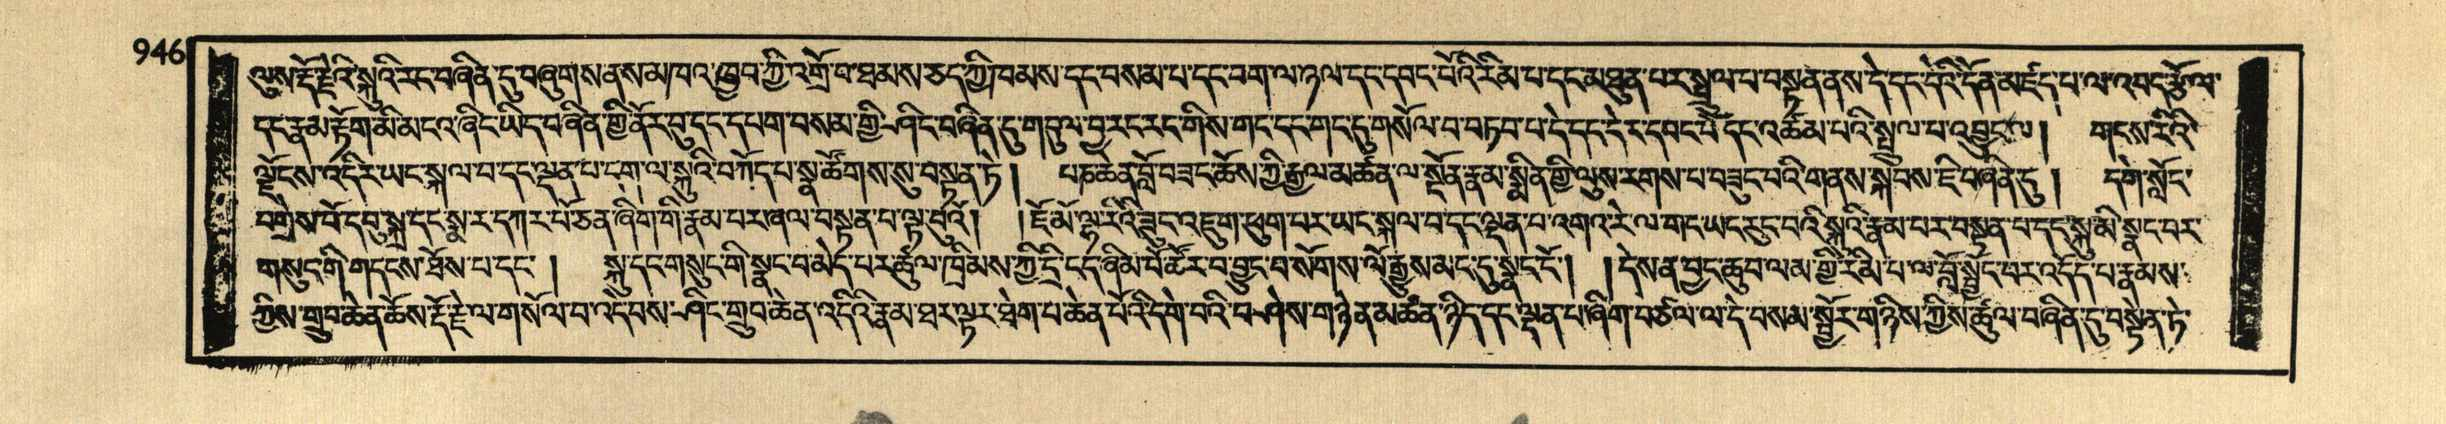ལུས་རྡོ་རྗེའི་སྐུའི་རང་བཞིན་དུ་བཞུགས་ནས་མཁའ་ཁྱབ་ཨིཀྱི་འགྲོ་བ་ཐམས་ཅད་ཀྱི་ཁམས་དང་བསམ་པ་དང་བག་ལ་ཉལ་དང་དབང་པོའི་རིམ་པ་དང་མཐུན་པར་སྤྲུལ་པ་བསྟན་ནས་དེ་དང་དེའི་དོན་མཛད་པ་ལ་འབད་རྩོལ་
དང་རྣམ་རྟོག་མི་མངའ་ཞིང་ཡིད་བཞིན་གྱི་ནོར་བུ་དང་དཔག་བསམ་གྱི་ཤིང་བཞིན་དུ་གདུལ་བྱ་རང་རང་གིས་གང་དང་གང་དུ་གསོལ་བ་བཏབ་པ་དེ་དང་དེར་དབང་པོ་དང་འཚམ་པའི་སྤྲུལ་པ་འབྱུང་ལ། གངས་རིའི་
ལྗོངས་འདིར་ཡང་སྐལ་བ་དང་ལྡན་པ་དག་ལ་སྐུའི་བཀོད་པ་སྣ་ཚོགས་སུ་བསྟན་ཏེ། པཎ་ཆེན་བློ་བཟང་ཆོས་ཀྱི་རྒྱལ་མཚན་ལ་སྔོན་རྣམ་སྨིན་གྱི་ལུས་རགས་པ་བཟུང་བའི་གནས་སྐབས་ཇི་བཞིན་དུ། དགེ་སློང་
བགྲེས་བོ་དབུ་སྐྲ་དང་སྨ་ར་དཀར་པོ་ཅན་ཞིག་གི་རྣམ་པར་ཞལ་བསྟན་པ་ལྟ་བུའོ། །ཇོ་མོ་ལྷ་རིའི་ཟུང་འཇུག་ཕུག་པར་ཡང་སྐལ་བ་དང་ལྡན་པ་འགའ་རེ་ལ་གང་ཡང་རུང་བའི་སྐུའི་རྣམ་པར་བསྟན་པ་དང་སྐུ་མི་སྣང་བར་
གསུང་གི་གདངས་ཐོས་པ་དང་། སྐུ་དང་གསུང་གི་སྣང་བ་མེད་པར་ཚུལ་ཁྲིམས་ཀྱི་དྲི་ངད་ཞིམ་པོ་ཚོར་བ་བྱུང་བ་སོགས་ལོ་རྒྱུས་མང་དུ་སྣང་ངོ། །དེས་ན་བྱང་ཆུབ་ལམ་གྱི་རིམ་པ་ལ་བློ་སྦྱོང་བར་འདོད་པ་རྣམས་
ཀྱིས་གྲུབ་ཆེན་ཆོས་རྡོ་རྗེ་ལ་གསོལ་བ་འདེབས་ཤིང་གྲུབ་ཆེན་འདིའི་རྣམ་ཐར་ལྟར་ཐེག་པ་ཆེན་པོའི་དགེ་བའི་བཤེས་གཉེན་མཚན་ཉིད་དང་ལྡན་པ་ཞིག་བཙལ་ལ་དེ་བསམ་སྦྱོར་གཉིས་ཀྱིས་ཚུལ་བཞིན་དུ་བསྟེན་ཏེ་